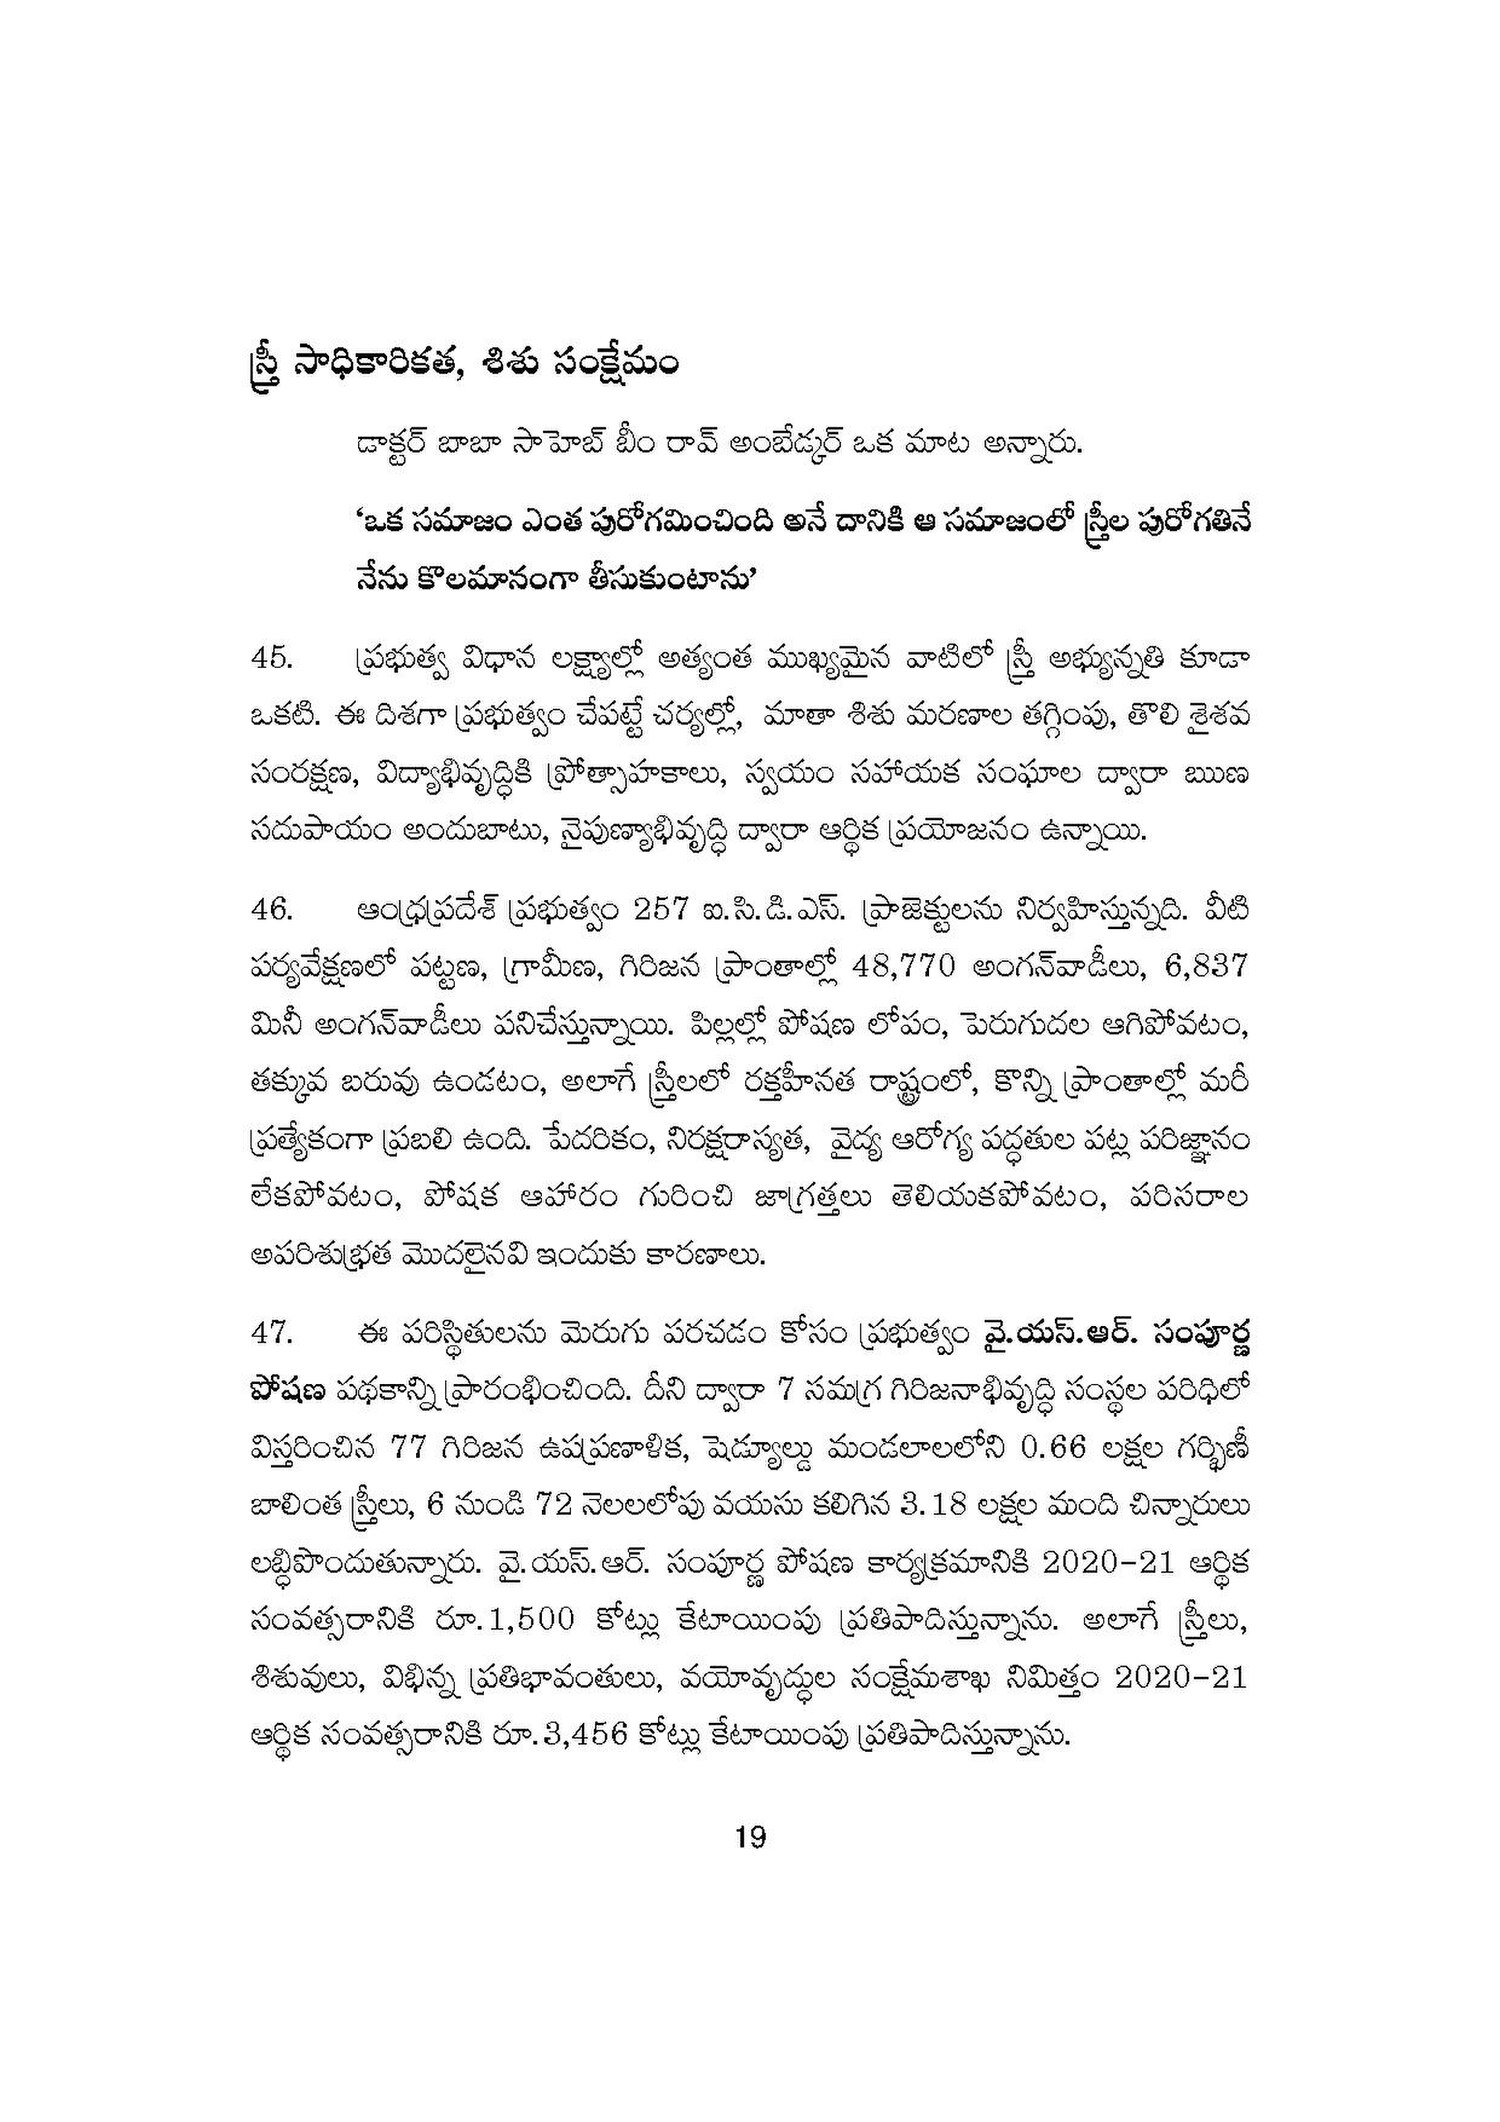స్త్రీ సాధికారికత, శిశు సంక్షేమం
డాక్టర్ బాబా సాహెబ్ బీం రావ్ అంబేడ్కర్ ఒక మాట అన్నారు. 

'ఒక సమాజం ఎంత పురోగమించింది అనే దానికి ఆ సమాజంలో స్త్రీల పురోగతినే నేను కొలమానంగా తీసుకుంటాను'  

45. ప్రభుత్వ విధాన లక్ష్యాల్లో అత్యంత ముఖ్యమైన వాటిలో స్త్రీ అభ్యున్నతి కూడా ఒకటి. ఈ దిశగా ప్రభుత్వం చేపట్టే చర్యల్లో, మాతా శిశు మరణాల తగ్గింపు, తొలి శైశవ సంరక్షణ, విద్యాభివృద్ధికి ప్రోత్సాహకాలు, స్వయం సహాయక సంఘాల ద్వారా ఋణ సదుపాయం అందుబాటు, నైపుణ్యాభివృద్ధి ద్వారా ఆర్థిక ప్రయోజనం ఉన్నాయి. 

46. ఆంధ్రప్రదేశ్ ప్రభుత్వం 257 ఐ.సి.డి.ఎస్. ప్రాజెక్టులను నిర్వహిస్తున్నది. వీటి పర్యవేక్షణలో పట్టణ, గ్రామీణ, గిరిజన ప్రాంతాల్లో 48,770 అంగన్ వాడీలు, 6,837 మినీ అంగన్‌వాడీలు పనిచేస్తున్నాయి. పిల్లల్లో పోషణ లోపం, పెరుగుదల ఆగిపోవటం, తక్కువ బరువు ఉండటం, అలాగే స్త్రీలలో రక్తహీనత రాష్ట్రంలో, కొన్ని ప్రాంతాల్లో మరీ ప్రత్యేకంగా ప్రబలి ఉంది. పేదరికం, నిరక్షరాస్యత, వైద్య ఆరోగ్య పద్ధతుల పట్ల పరిజ్ఞానం లేకపోవటం, పోషక ఆహారం గురించి జాగ్రత్తలు తెలియకపోవటం, పరిసరాల అపరిశుభ్రత మొదలైనవి ఇందుకు కారణాలు. 

47. ఈ పరిస్థితులను మెరుగు పరచడం కోసం ప్రభుత్వం వై.యస్.ఆర్. సంపూర్ణ పోషణ పథకాన్ని ప్రారంభించింది. దీని ద్వారా 7 సమగ్ర గిరిజనాభివృద్ధి సంస్థల పరిధిలో విస్తరించిన 77 గిరిజన ఉషప్రణాళిక, షెడ్యూల్డు మండలాలలోని 0.66 లక్షల గర్భిణీ బాలింత స్త్రీలు, 6 నుండి 72 నెలలలోపు వయసు కలిగిన 3.18 లక్షల మంది చిన్నారులు లబ్ది పొందుతున్నారు. వై.యస్.ఆర్. సంపూర్ణ పోషణ కార్యక్రమానికి 2020-21 ఆర్థిక సంవత్సరానికి రూ.1,500 కోట్లు కేటాయింపు ప్రతిపాదిస్తున్నాను. అలాగే స్త్రీలు, శిశువులు, విభిన్న ప్రతిభావంతులు, వయోవృద్ధుల సంక్షేమశాఖ నిమిత్తం 2020-21 ఆర్థిక సంవత్సరానికి రూ.3,456 కోట్లు కేటాయింపు ప్రతిపాదిస్తున్నాను.